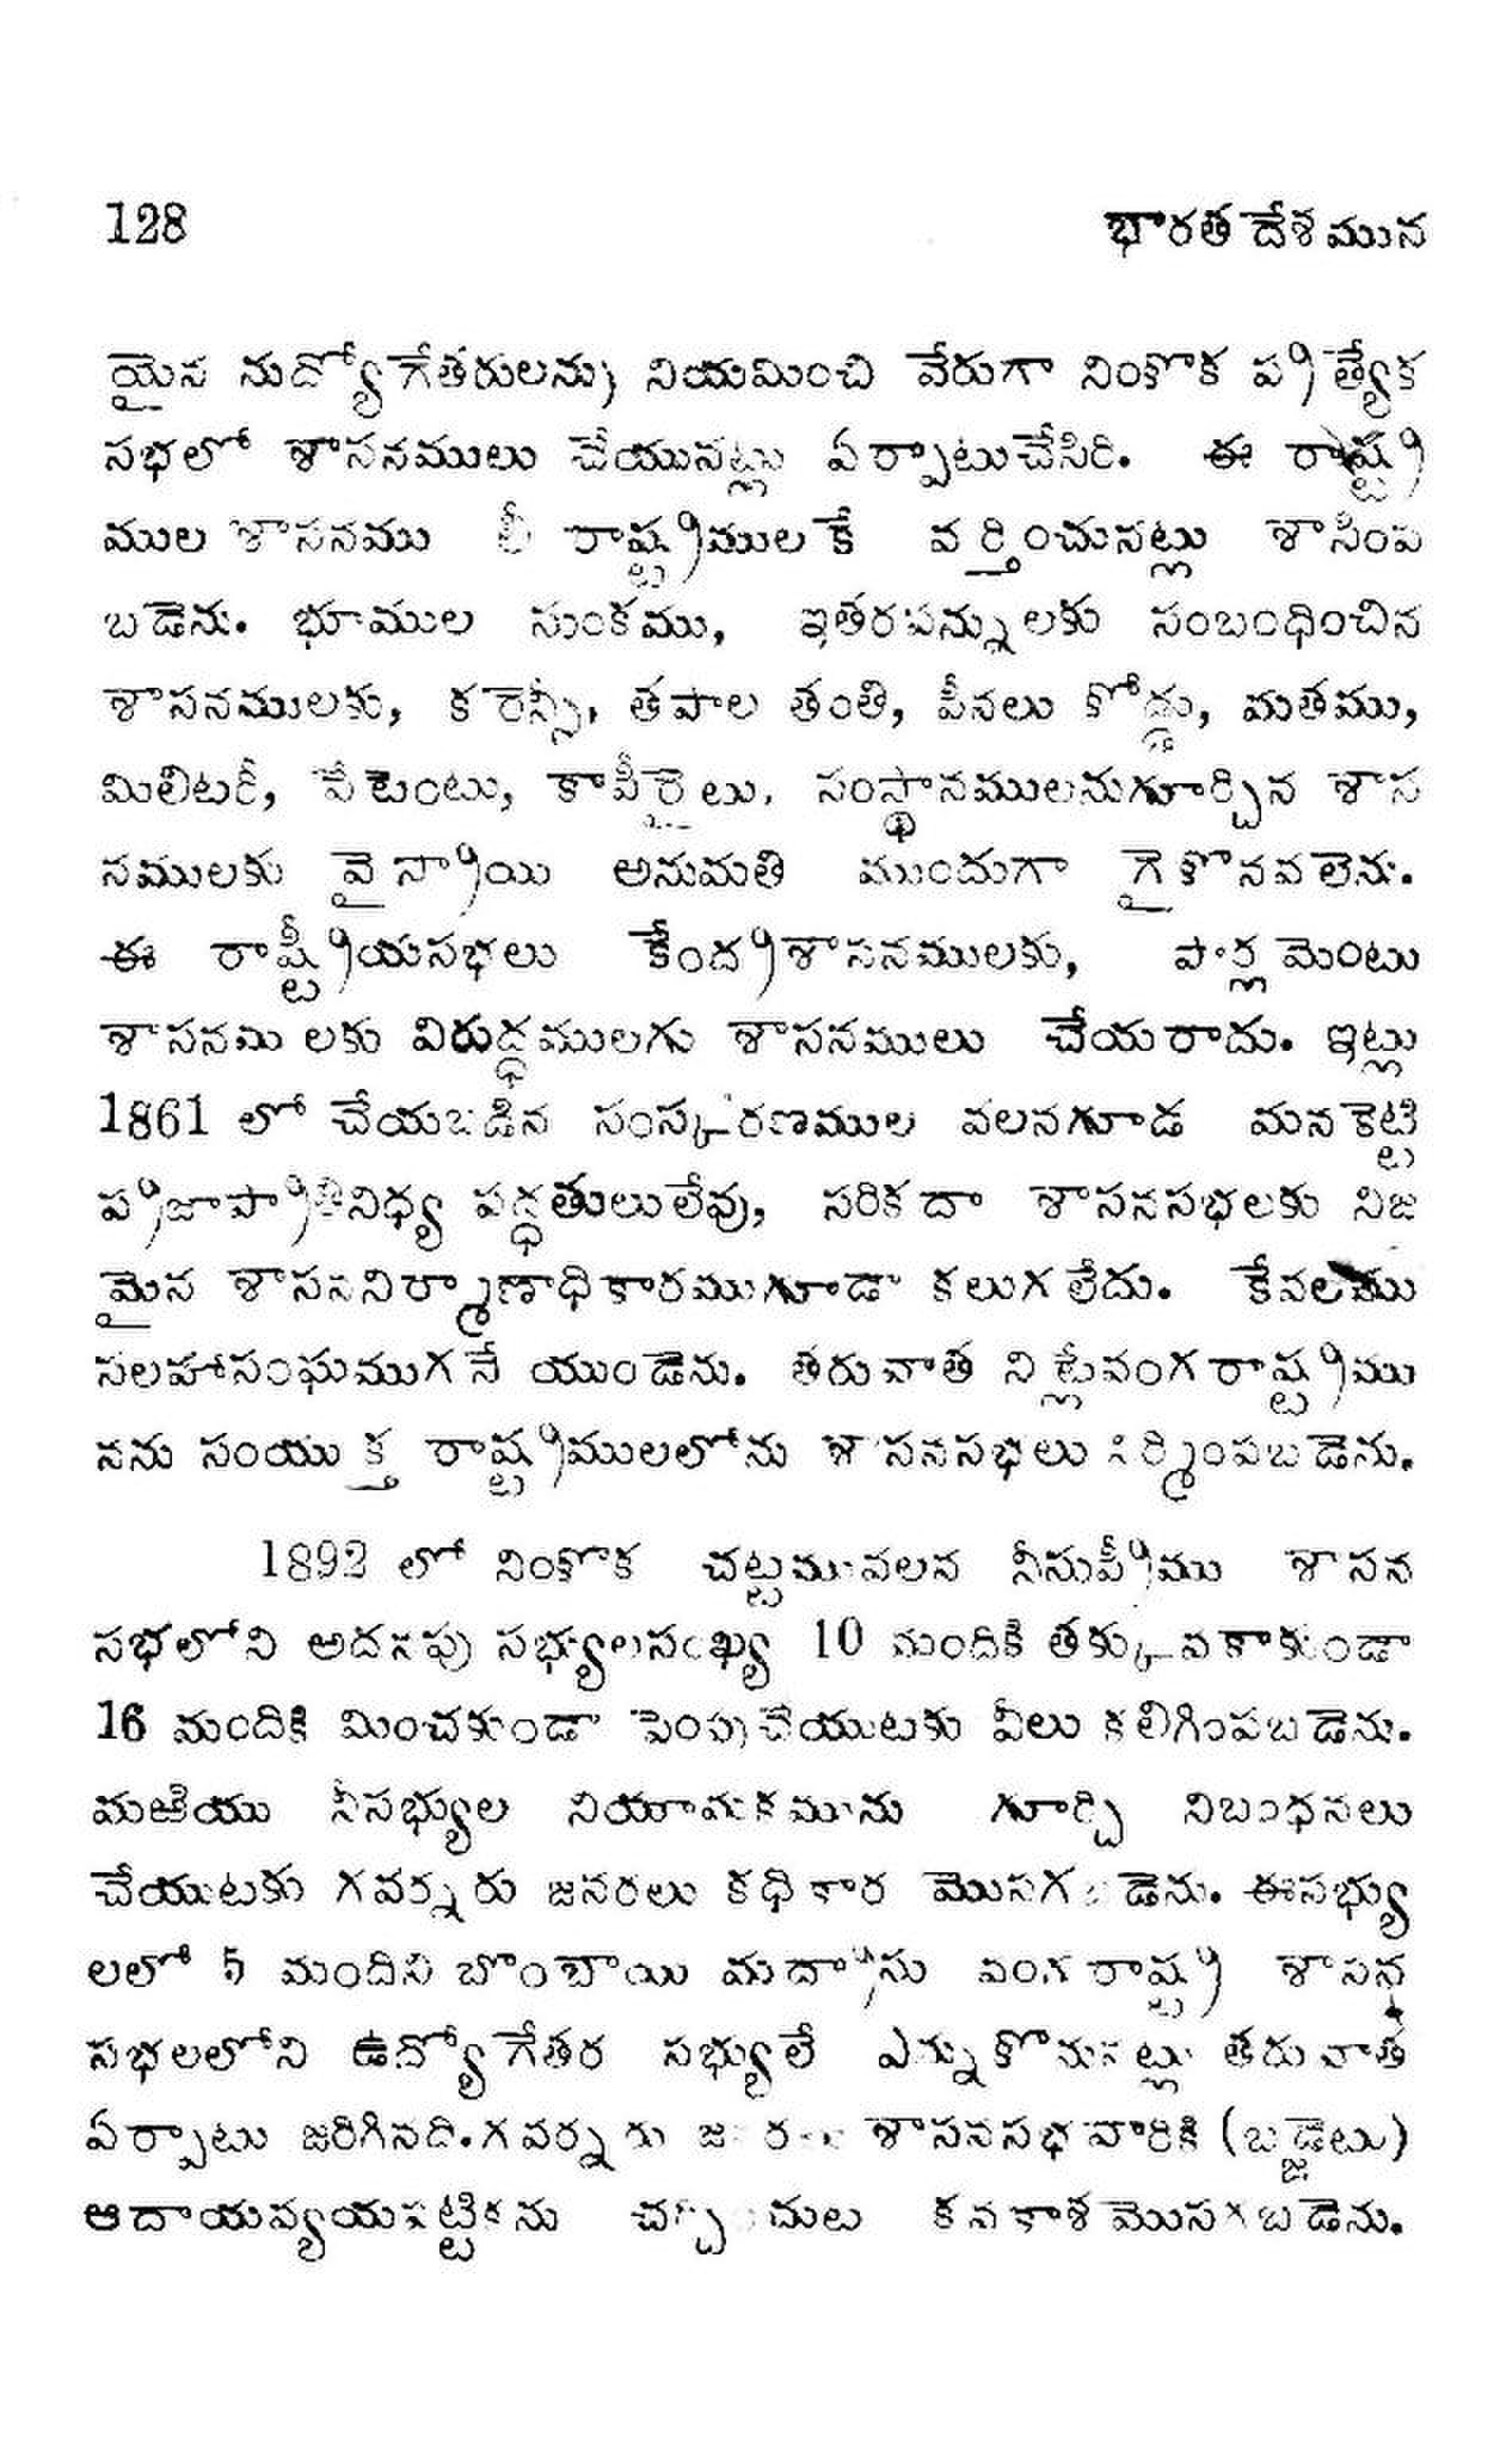యైన నుద్యోగేతరులను) నియమించి వేరుగా నింకొక ప్రత్యేకసభలో శాసనములు చేయునట్లు ఏర్పాటుచేసిరి. ఈ రాష్ట్రముల శాసనము , రాష్ట్రములకే వర్తించునట్లు శాసింపబడెను. భూముల సుంకము, ఇతరపన్నులకు సంబంధించిన శాసనములకు, కరెన్సీ, తపాల తంతి, పీనలు కోడ్డు, మతము, మిలిటరీ, పేటెంటు, కాపీరైటు, సంస్థానములనుగూర్చిన శాసనములకు వైస్రాయి అనుమతి ముందుగా గైకొనవలెను. ఈ రాష్ట్రీయసభలు కేంద్రశాసనములకు, పార్లమెంటు శాసనములకు విరుద్ధములగు శాసనములు చేయరాదు. ఇట్లు 1861 లో చేయబడిన సంస్కరణముల వలనగూడ మనకెట్టి ప్రజాపాతినిధ్య పద్దతులులేవు, సరికదా శాసనసభలకు నిజమైన శాసననిర్మాణాధికారముగూడా కలుగలేదు. కేవలము సలహాసంఘముగనే యుండెను. తరువాత నిట్లేవంగరాష్ట్రమునను సంయుక్త రాష్ట్రములలోను శాసనసభలు నిర్మింపబడెను.

1892 లో నింకొక చట్టమువలన నీసుప్రీము శాసనసభలోని అదనపు సభ్యలసంఖ్య 10 మందికి తక్కువకాకుండా 16 మందికి మించకుండా పెంపుచేయుటకు వీలు కలిగింపబడెను. మఱియు నీసభ్యుల నియామకమును గూర్చి నిబంధనలు చేయుటకు గవర్నరు జనరలు కధికార మొసగబడెను. ఈసభ్యులలో 5 మందిని బొంబాయి మద్రాసు వంగరాష్ట్ర శాసనసభలలోని ఉద్యోగేతర సభ్యులే ఎన్నుకొనునట్లు తరువాత ఏర్పాటు జరిగినది. గవర్నరు జనరలు శాసనసభవారికి (బడ్జెటు) ఆదాయవ్యయపట్టికను చర్చించుట కవకాశమొసగబడెను.